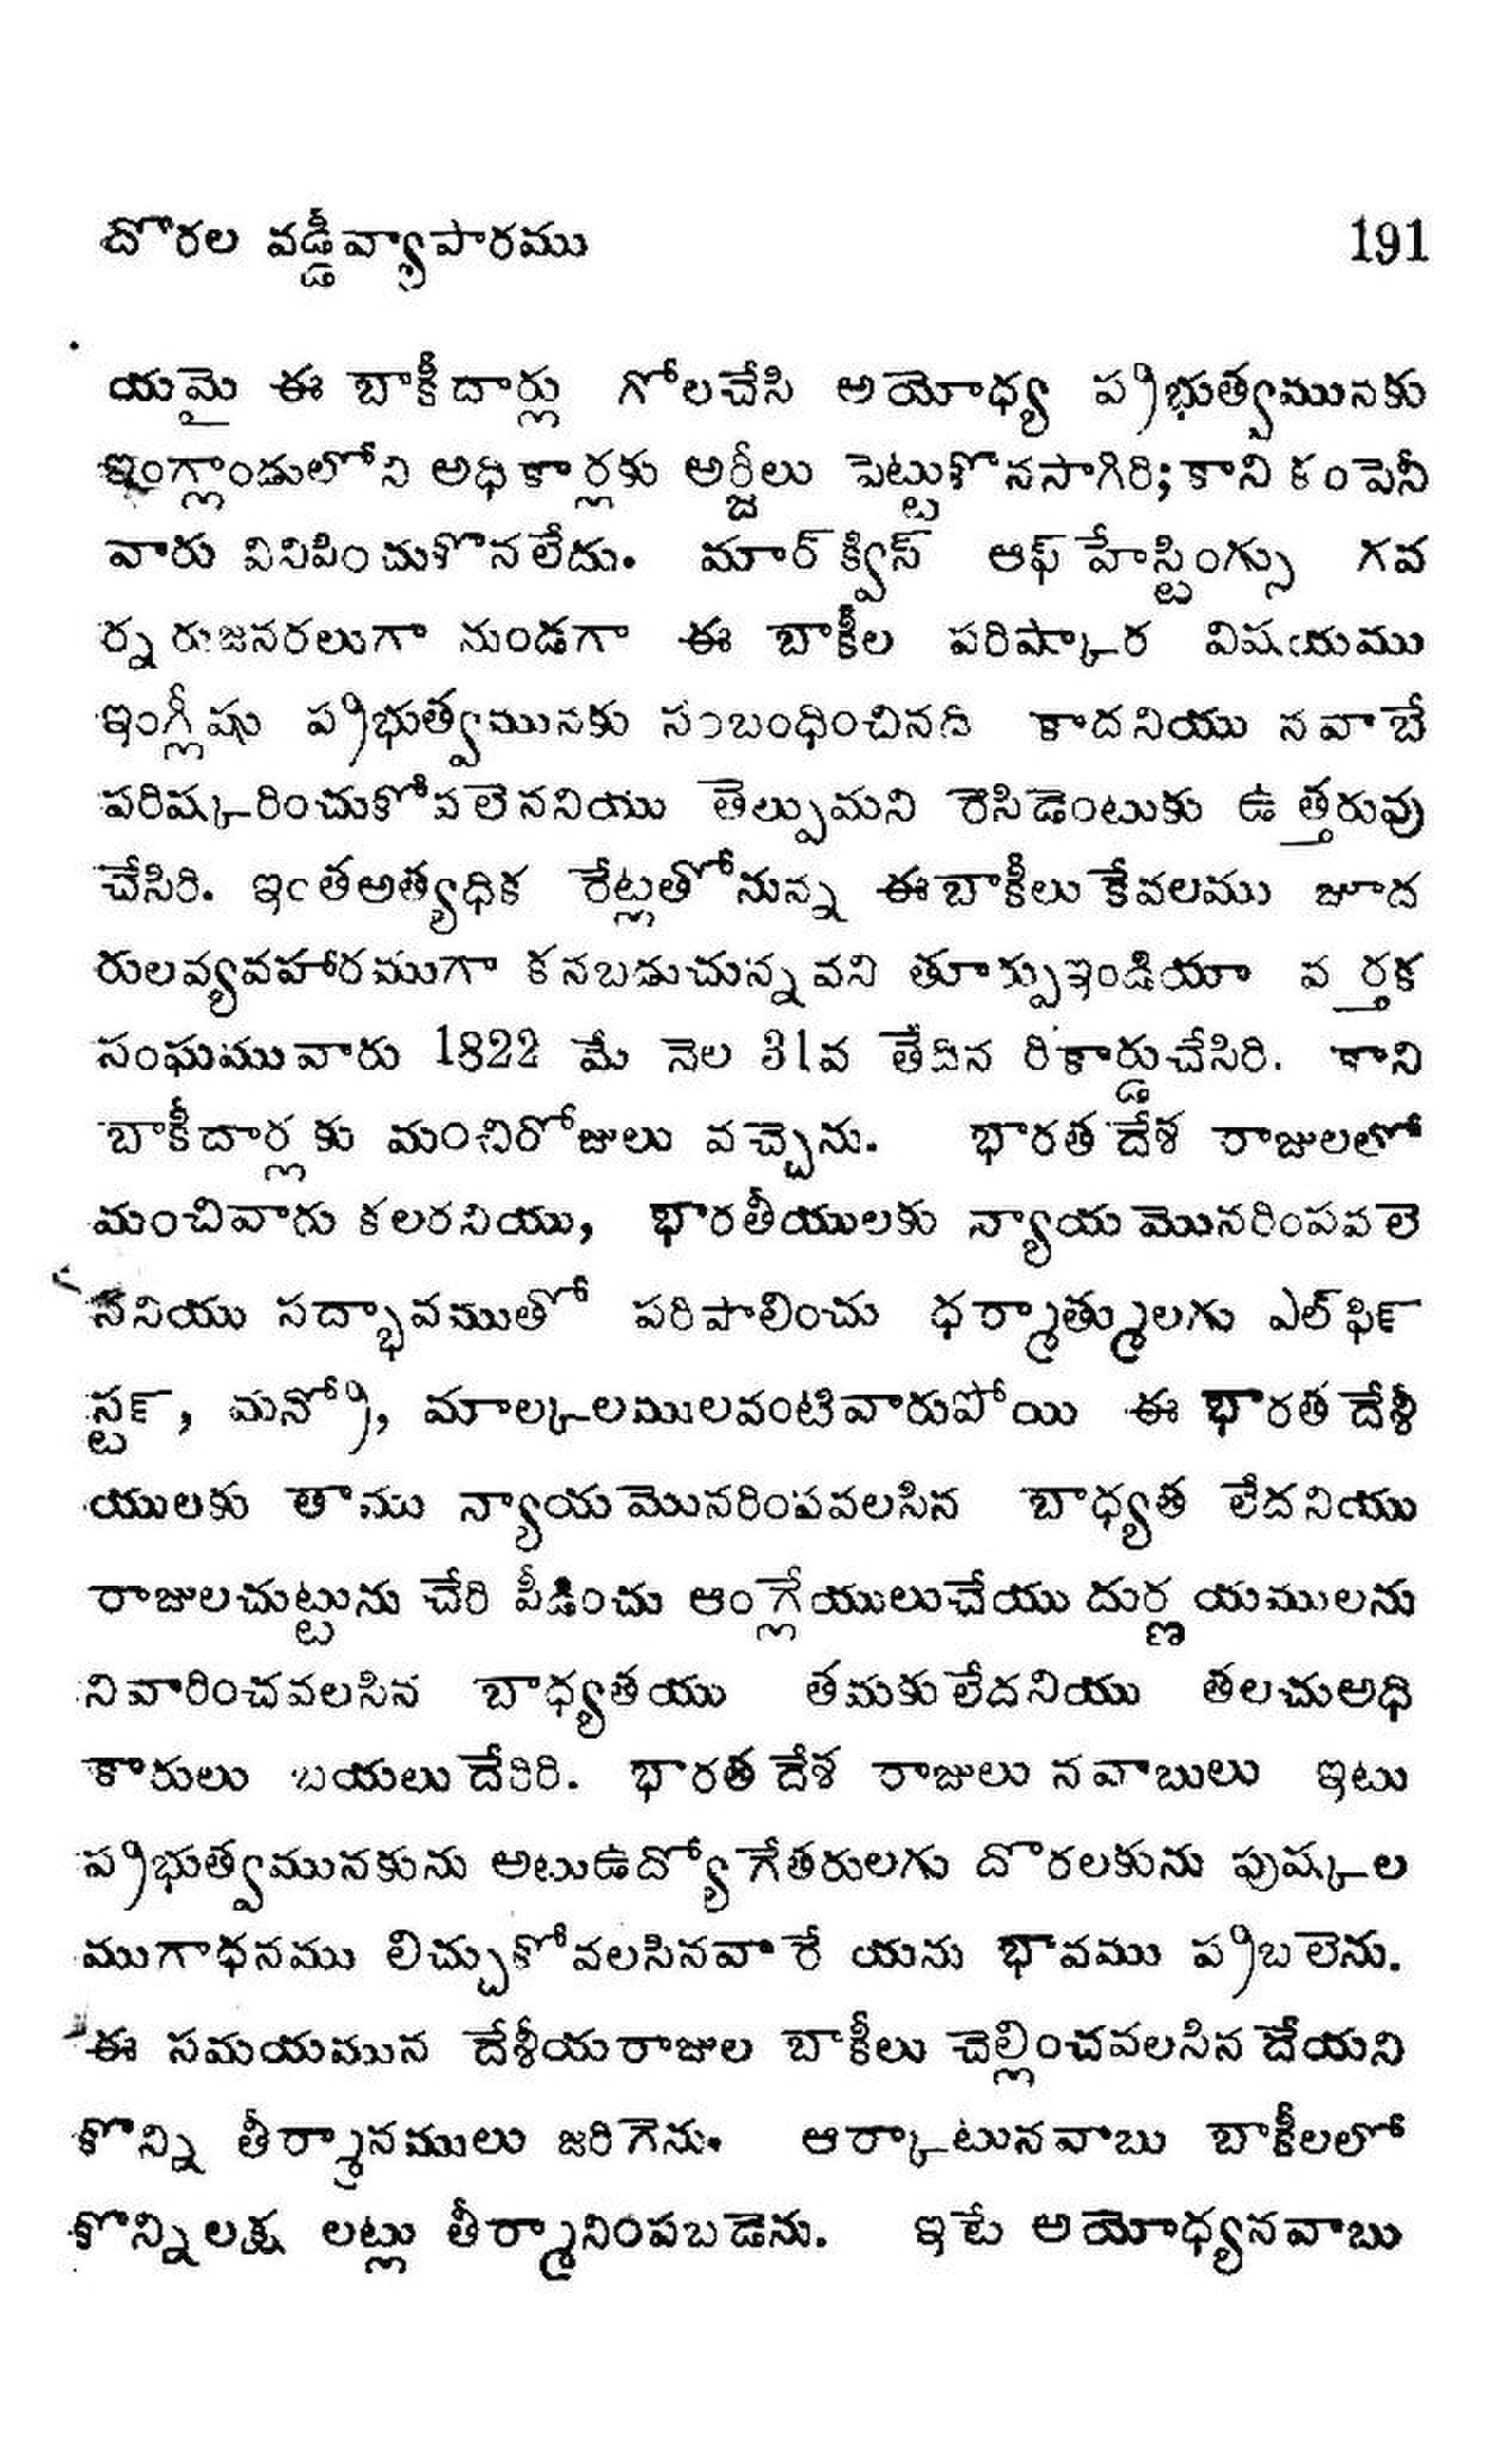యమై ఈ బాకీదార్లు గోలచేసి అయోధ్య ప్రభుత్వమునకు ఇంగ్లాండులోని అధికార్లకు అర్జీలు పెట్టుకొనసాగిరి; కాని కంపెనీవారు వినిపించుకొనలేదు. మార్‌క్విన్ ఆఫ్ హేస్టింగ్సు గవర్నరుజనరలుగా నుండగా ఈ బాకీల పరిష్కార విషయము ఇంగ్లీషు ప్రభుత్వముసకు సంబంధించినది కాదనియు నవాబే పరిష్కరించుకోవలెననియు తెల్పుమని రెసిడెంటుకు ఉత్తరువు చేసిరి. ఇంతఅత్యధిక రేట్లతోనున్న ఈ బాకీలు కేవలము జూదరులవ్యవహారముగా కనబడుచున్న వని తూర్పుఇండియా వర్తక సంఘమువారు 1822 మే నెల 31వ తేదీన రికార్డుచేసిరి. కాని బాకీదార్లకు మంచిరోజులు వచ్చెను. భారతదేశ రాజులలో మంచివారు కలరనియు, భారతీయులకు న్యాయమొనరింపవలెననియు సద్భావముతో పరిపాలించు ధర్మాత్ములగు ఎల్‌ఫిన్‌స్టన్, మన్రో, మాల్కలములవంటివారుపోయి ఈ భారతదేశీయులకు తాము న్యాయమొనరింపవలసిన బాధ్యత లేదనియు రాజులచుట్టును చేరి పీడించు ఆంగ్లేయులుచేయు దుర్ణయములను నివారించవలసిన బాధ్యతయు తమకులేదనియు తలచుఅధికారులు బయలుదేరిరి. భారతదేశ రాజులు నవాబులు ఇటు ప్రభుత్వమునకును అటు ఉద్యోగేతరులగు దొరలకును పుష్కలముగాధనము లిచ్చుకోవలసినవారే యను భావము ప్రబలెను. ఈ సమయమున దేశీయరాజుల బాకీలు చెల్లించవలసిన దేయని కొన్ని తీర్మానములు జరిగెను. ఆర్కాటునవాబు బాకీలలో కొన్నిలక్ష లట్లు తీర్మానింపబడెను. ఇట్లే అయోధ్యనవాబు